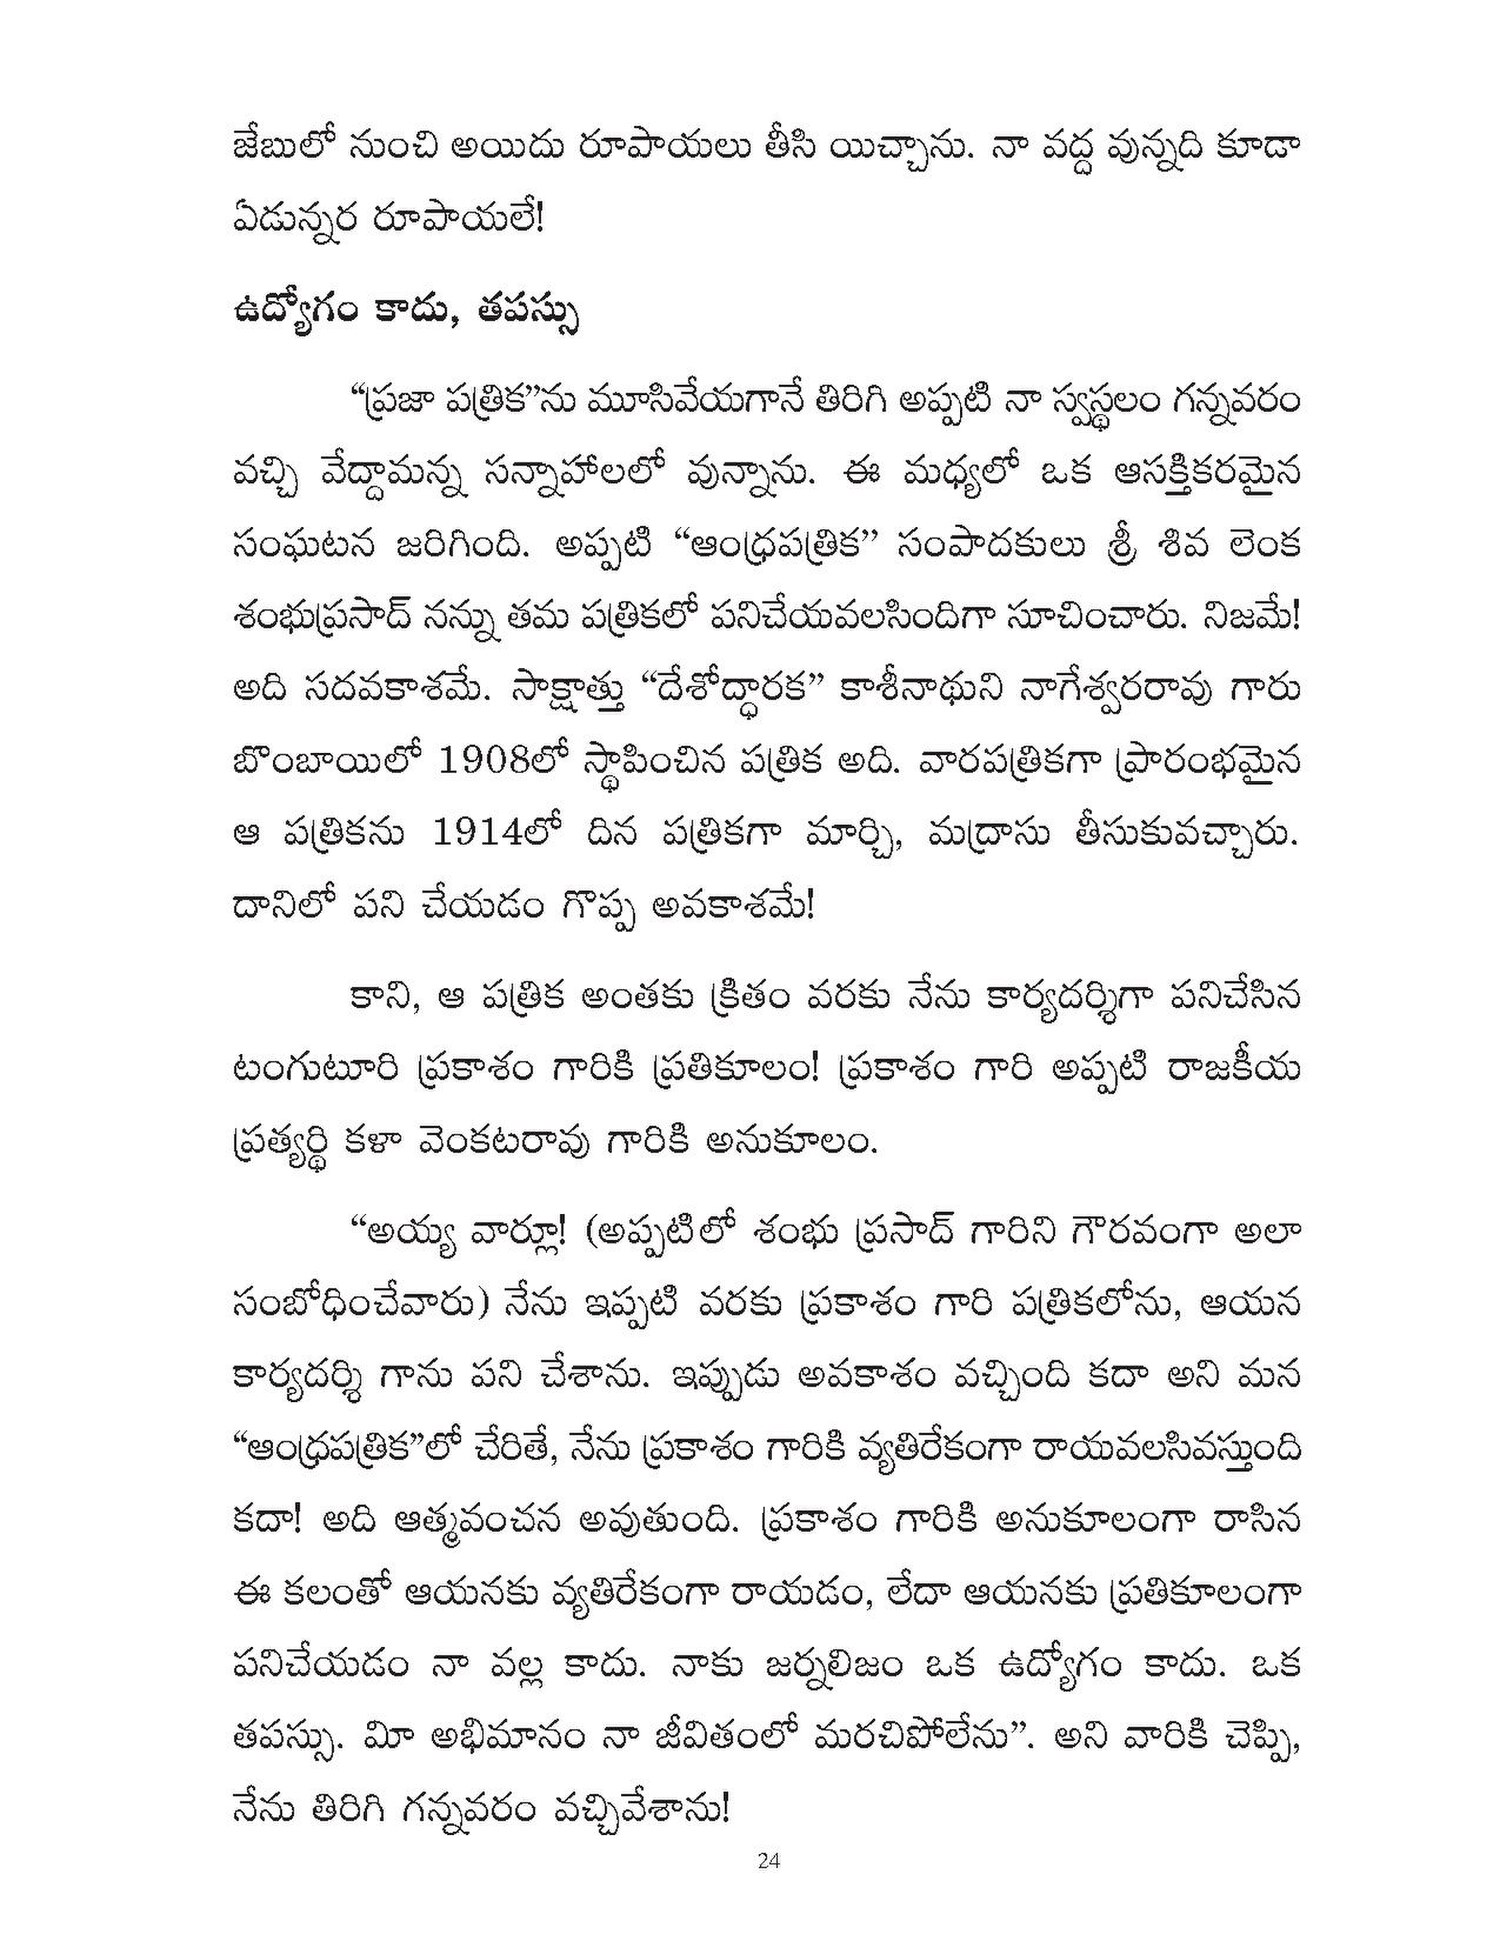జేబులో నుంచి అయిదు రూపాయలు తీసి యిచ్చాను. నా వద్ద వున్నది కూడ
ఏడున్నర రూపాయలే!

ఉద్యోగం కాదు, తపస్సు
"ప్రజా పత్రిక"ను మూసివేయగానే తిరిగి అప్పటి నా స్వస్థలం గన్నవరం
వచ్చి వేద్దామన్న సన్నాహాలలో వున్నాను. ఈ మధ్యలో ఒక ఆసక్తికరమైన
సంఘటన జరిగింది. అప్పటి "ఆంధ్రపత్రిక" సంపాదకులు శ్రీ శివ లెంక
శంభుప్రసాద్‌ నన్ను తమ పత్రికలో పనిచేయవలసిందిగా సూచించారు. నిజమే!
అది సదవకాశమే. సాక్షాత్తు "దేశోద్ధారక" కాశీనాథుని నాగేశ్వరరావు గారు
బొంబాయిలో 1908లో స్థాపించిన పత్రిక అది. వారపత్రికగా ప్రారంభమైన
ఆ పత్రికను 1914లో దిన పత్రికగా మార్చి, మద్రాసు తీసుకువచ్చారు.
దానిలో పని చేయడం గొప్ప అవకాశమే!

కాని, ఆ పత్రిక అంతకు క్రితం వరకు నేను కార్యదర్శిగా పనిచేసిన
టంగుటూరి ప్రకాశం గారికి ప్రతికూలం! ప్రకాశం గారి అప్పటి రాజకీయ
ప్రత్యర్థి కళా వెంకటరావు గారికి అనుకూలం.

"అయ్య వార్లూ! (అప్పటిలో శంభు ప్రసాద్‌ గారిని గౌరవంగా అలా
సంబోధించేవారు) నేను ఇప్పటి వరకు ప్రకాశం గారి పత్రికలోను, ఆయన
కార్యదర్శి గాను పని చేశాను. ఇప్పుడు అవకాశం వచ్చింది కదా అని మన
"ఆంధ్రపత్రిక"లో చేరితే, నేను ప్రకాశం గారికి వ్యతిరేకంగా రాయవలసివస్తుంది
కదా! అది ఆత్మవంచన అవుతుంది. ప్రకాశం గారికి అనుకూలంగా రాసిన
ఈ కలంతో ఆయనకు వ్యతిరేకంగా రాయడం, లేదా ఆయనకు ప్రతికూలంగా
పనిచేయడం నా వల్ల కాదు. నాకు జర్నలిజం ఒక ఉద్యోగం కాదు. ఒక
తపస్సు. మీ అభిమానం నా జీవితంలో మరచిపోలేను". అని వారికి చెప్పి,
నేను తిరిగి గన్నవరం వచ్చివేశాను!